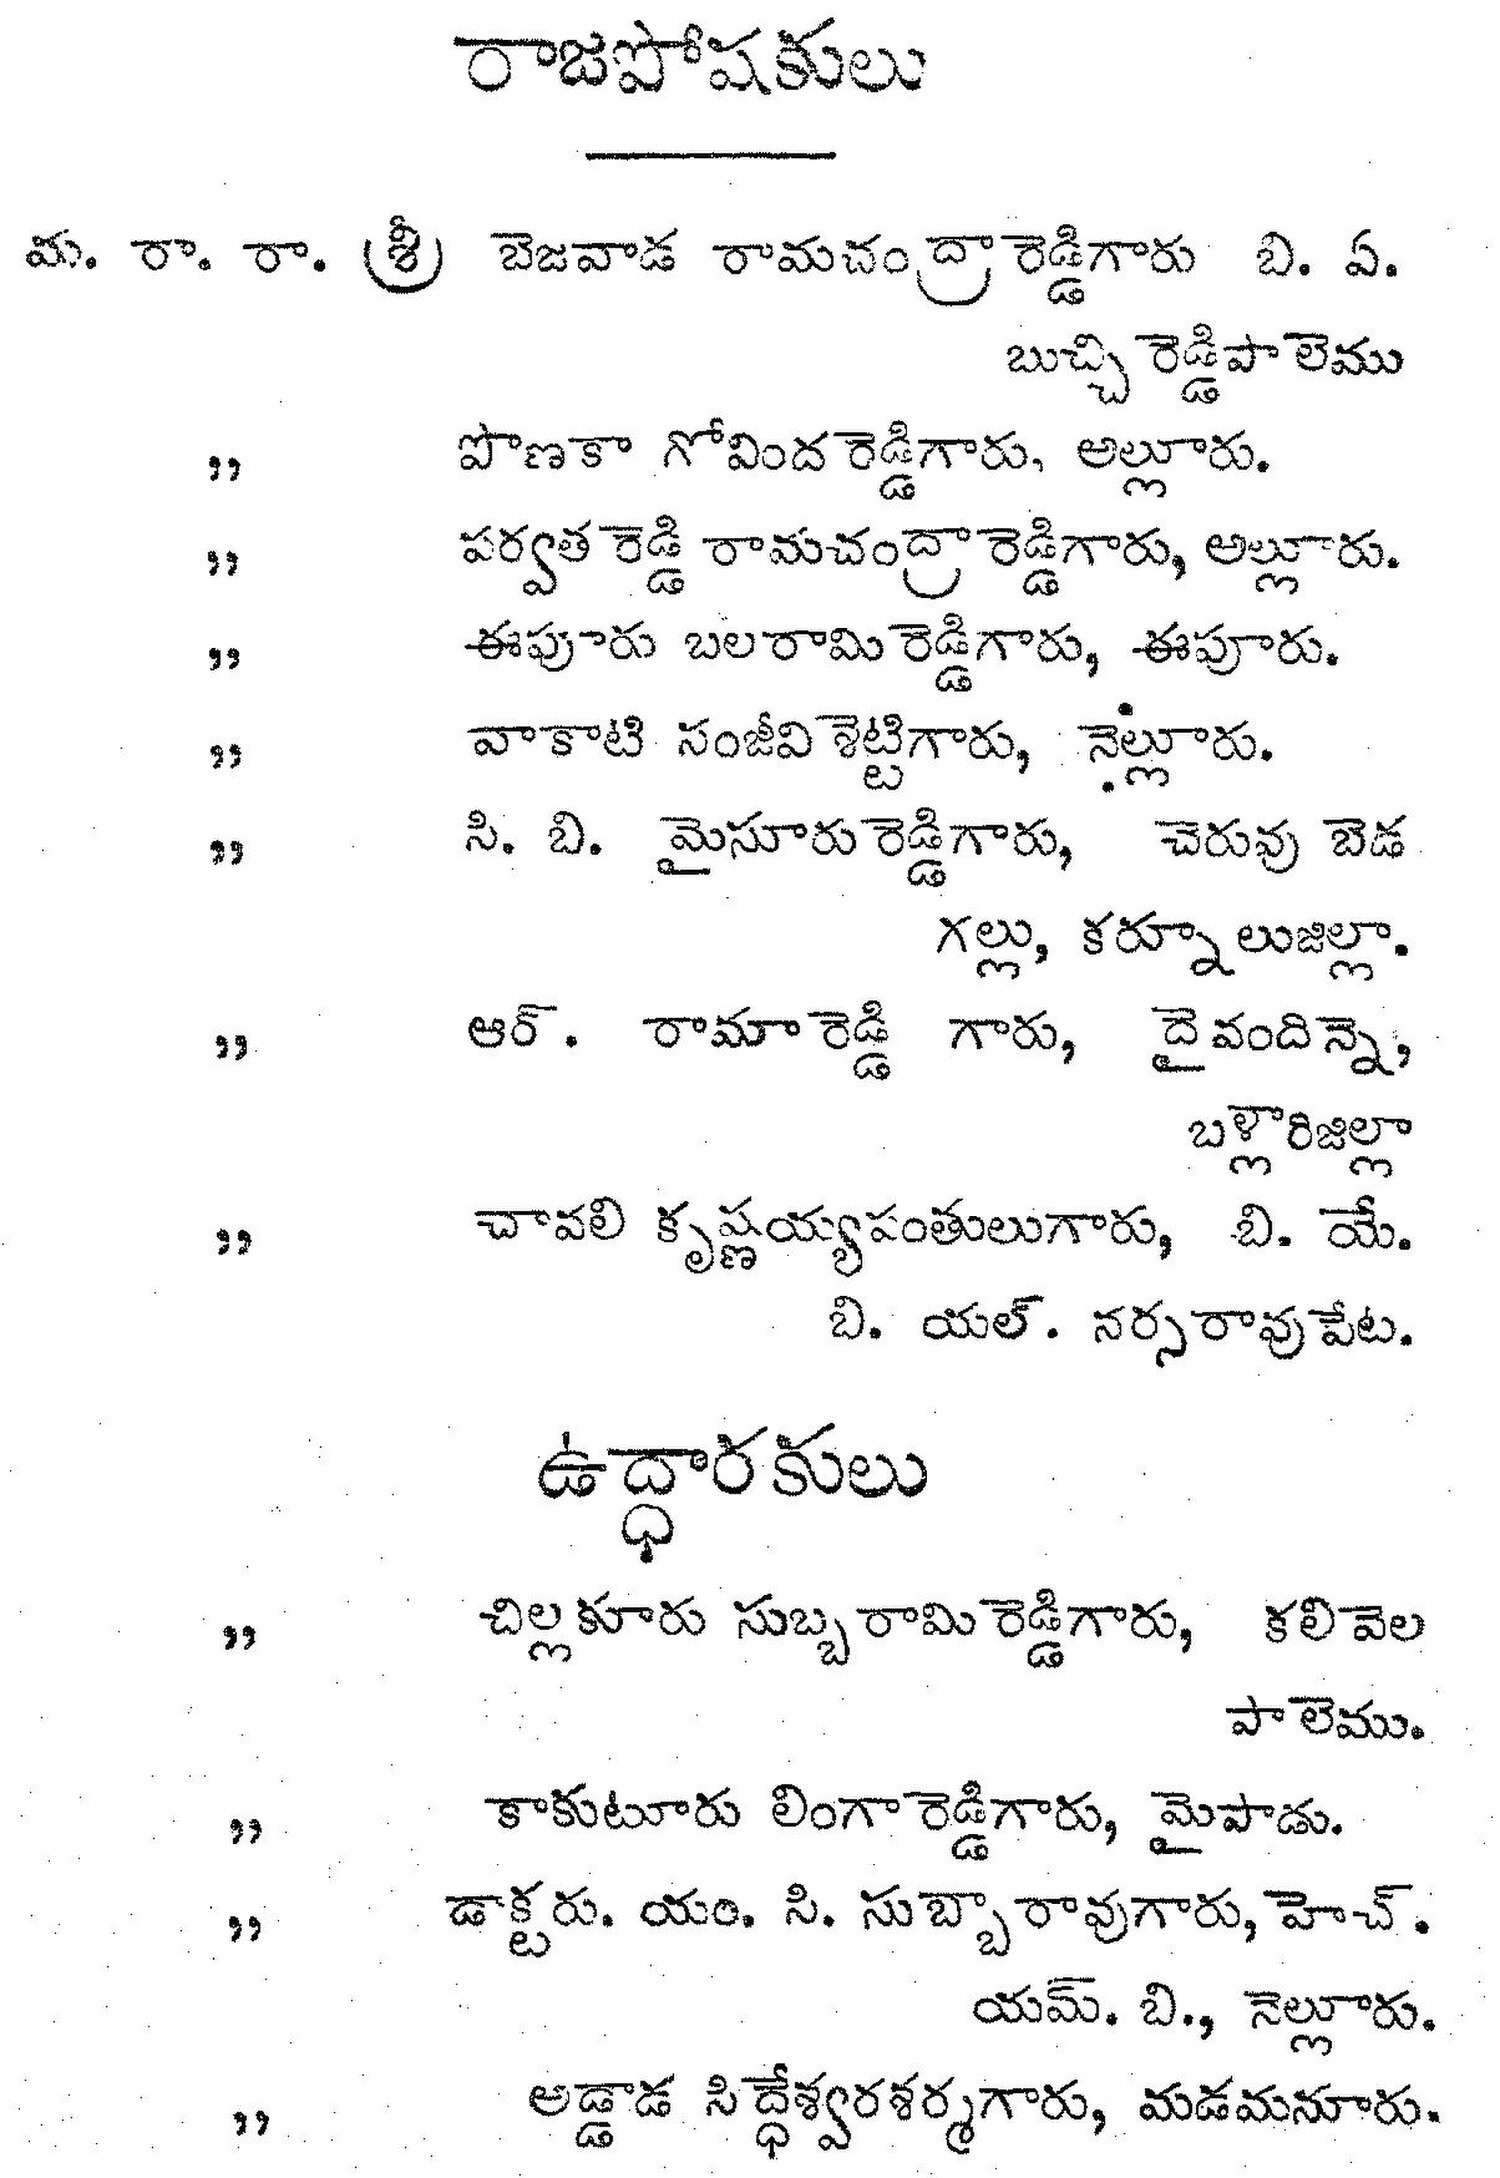రాజపోషకులు

మ. రా రా. శ్రీ బెజవాడ రామచంద్రారెడ్డిగారు బి. ఏ., బుచ్చిరెడ్డిపాలెము
మ. రా రా. శ్రీ పొణకా గోవిందరెడ్డిగారు, అల్లూరు.
మ. రా రా. శ్రీ పర్వతరెడ్డి రామచంద్రారెడ్డిగారు, అల్లూరు.
మ. రా రా. శ్రీ ఈపూరు బలరామిరెడ్డిగారు, ఈపూరు.
మ. రా రా. శ్రీ వాకాటి సంజీవిశెట్టిగారు, నెల్లూరు.
మ. రా రా. శ్రీ సి. బి. మైసూరురెడ్డిగారు, చెరువు బెడగల్లు, కర్నూలు జిల్లా.
మ. రా రా. శ్రీ ఆర్. రామారెడ్డి గారు, దైవందిన్నె, బళ్లారిజిల్లా
మ. రా రా. శ్రీ చావలి కృష్ణయ్యపంతులుగారు, బి. యే. బి. యల్. నర్సరావుపేట.

ఉద్ధారకులు

మ. రా రా. శ్రీ చిల్లకూరు సుబ్బరామిరెడ్డిగారు, కలివెలపాలెము.
మ. రా రా. శ్రీ కాకుటూరు లింగారెడ్డిగారు, మైపాడు.
మ. రా రా. శ్రీ డాక్టరు. యం. సి. సుబ్బారావుగారు, హెచ్. యమ్. బి., నెల్లూరు.
మ. రా రా. శ్రీ అడ్డాడ సిద్ధేశ్వరశర్మగారు, మడమనూరు.